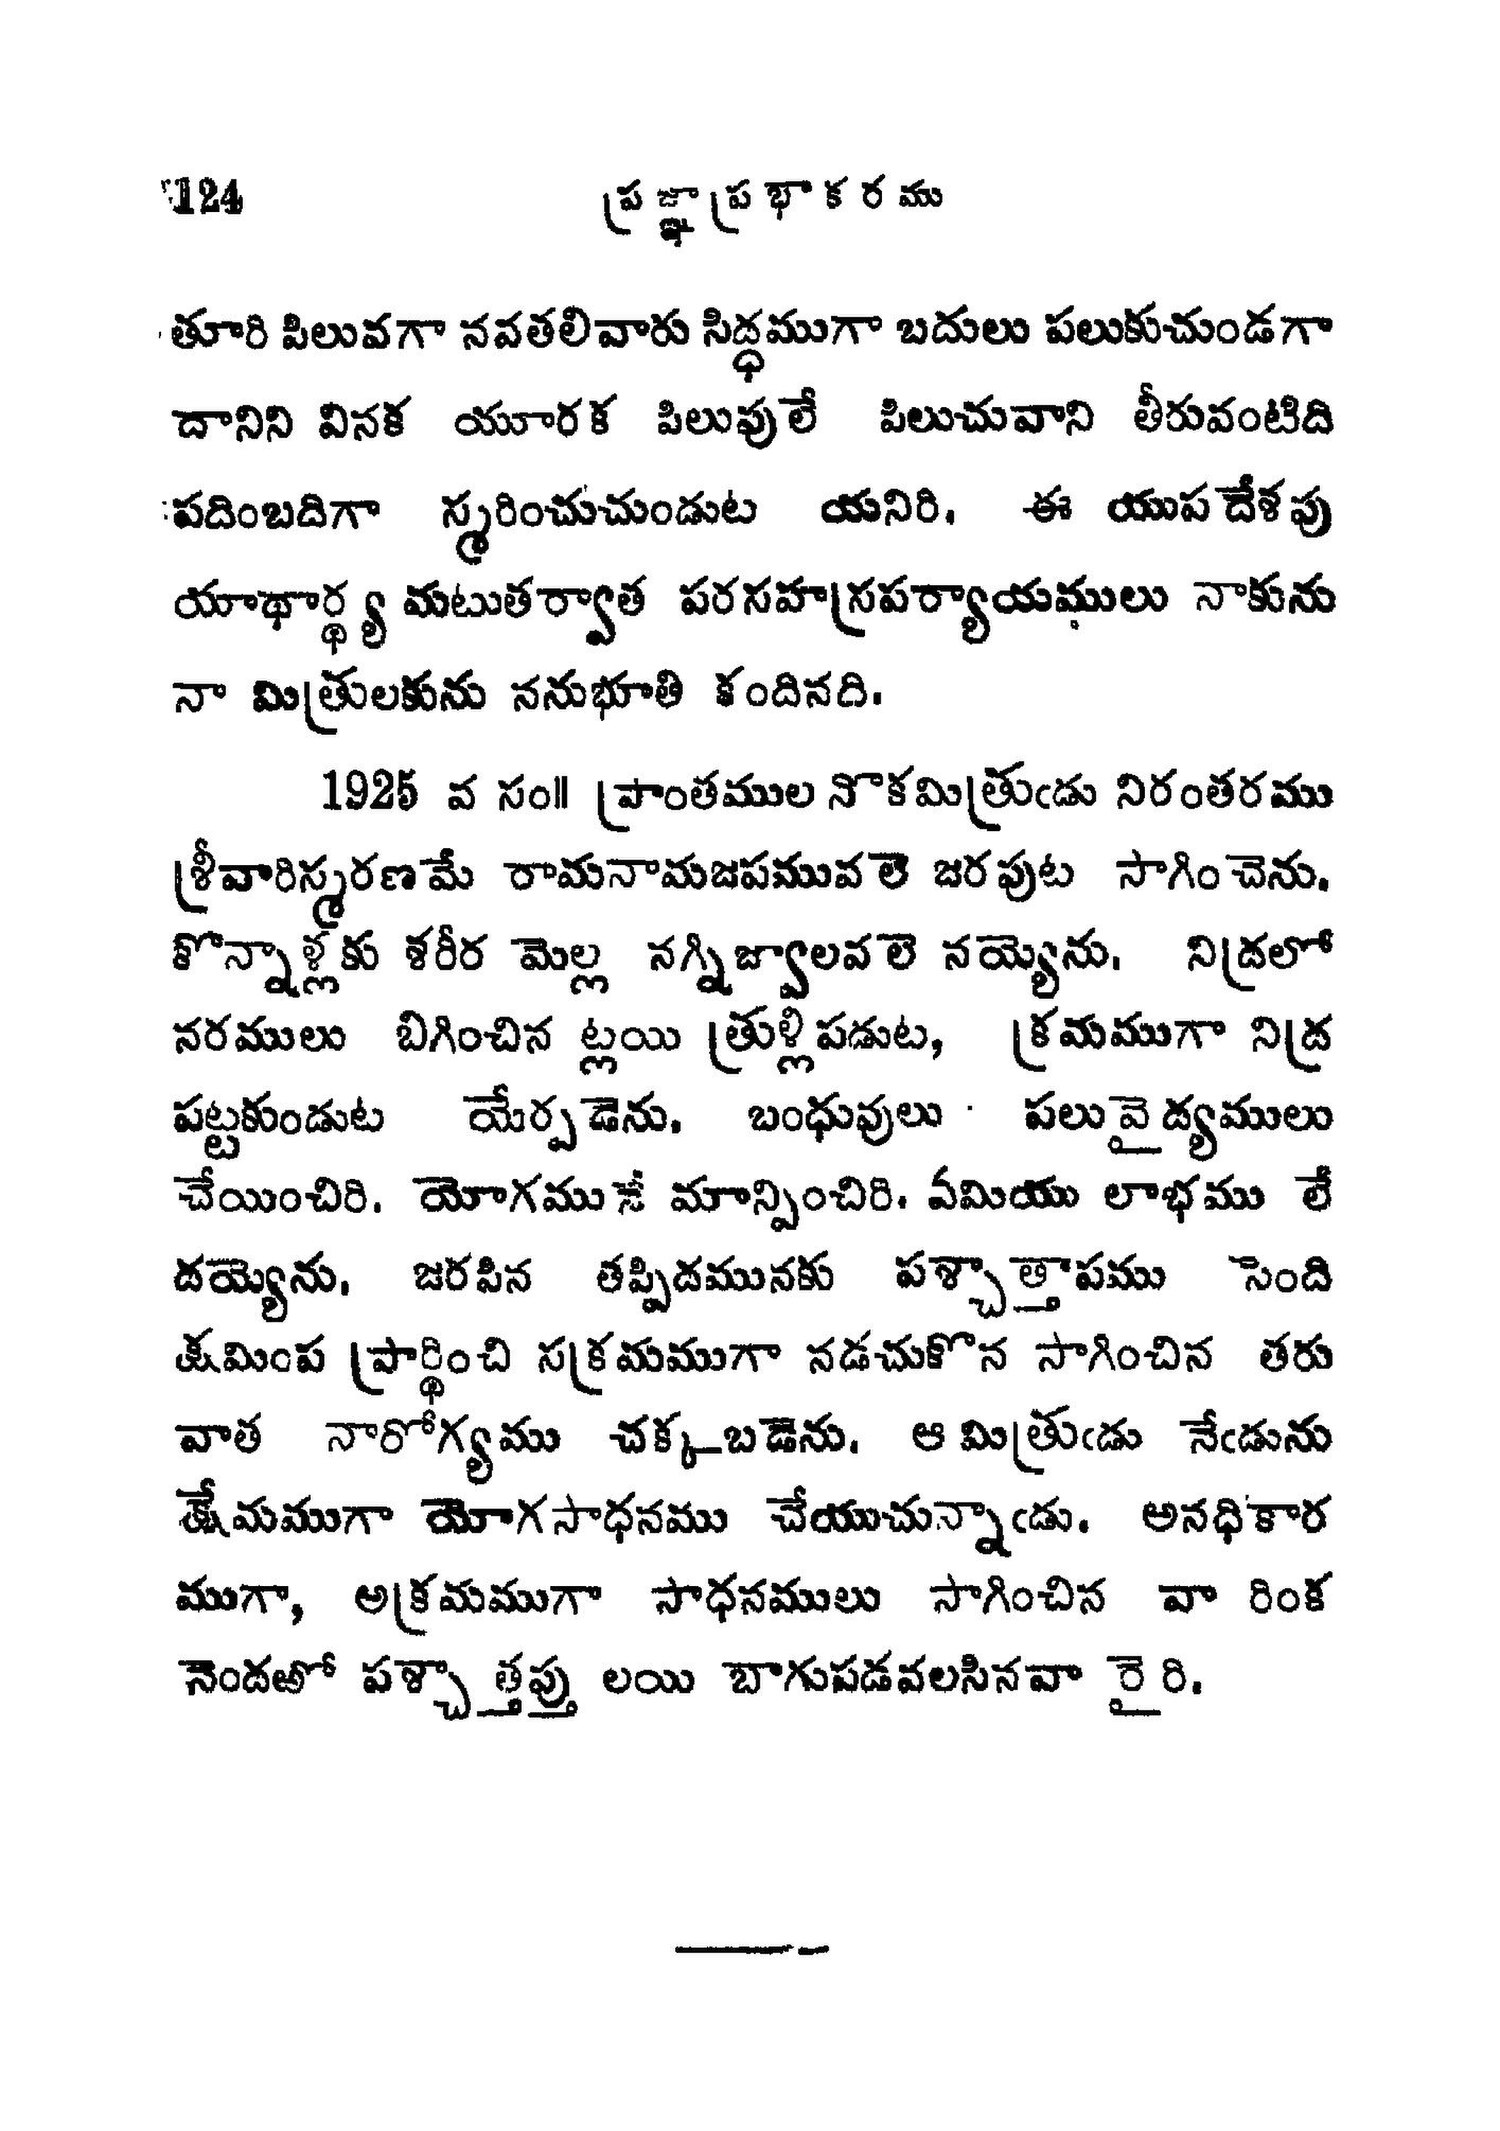తూరి పిలువగా నవతలి వారు సిద్ధముగా బదులు పలుకు చుండగా దానిని వినక యూరక పిలుపులే పిలుచువాని తీరువంటిది పదింబదిగా స్మరించుచుండుట యనిరి. ఈ యుప దేశపు యాదార్ధ్య మటుతర్వాత పరసహస్రపర్యా యములు నాకును నా మిత్రులకును ననుభూతి కందినది.

1925వ సం, ప్రాంతముల నొక మిత్రుఁడు నిరంతరము శ్రీవారి స్మరణమే రామనామజపమువలె జరుపుట సాగించెను. కొన్నాళ్ళకు శరీర మెల్ల నగ్నిజ్వాల వలె నెయ్యెను. నిద్రలో నరములు బిగించిన ట్లయి త్రుళ్ళిపడుట, క్రమముగా నిద్ర పట్టకుండుట యేర్పడెను. బంధువులు పలు వైద్యములు చేయించిరి. యోగము నే మాన్పించిరి. ఏమియు లాభము లే దయ్యెను. జరపిన తప్పిదమునకు పశ్చాత్తాపము సెంది క్షమింప ప్రార్ధించి సక్రమముగా నడచుకొన సాగించిన తరువాత నారోగ్యము చక్క బడెను. ఆ మిత్రుఁడు నేఁడును క్షేమముగా యోగ సాధనము చేయుచున్నాఁడు.అనధికారముగా, అక్రమముగా సాధనములు సాగించిన వా రింక నెందఱో పశ్చాత్తప్తు లయి బాగు పడవలసిన వారైరి.

 ----